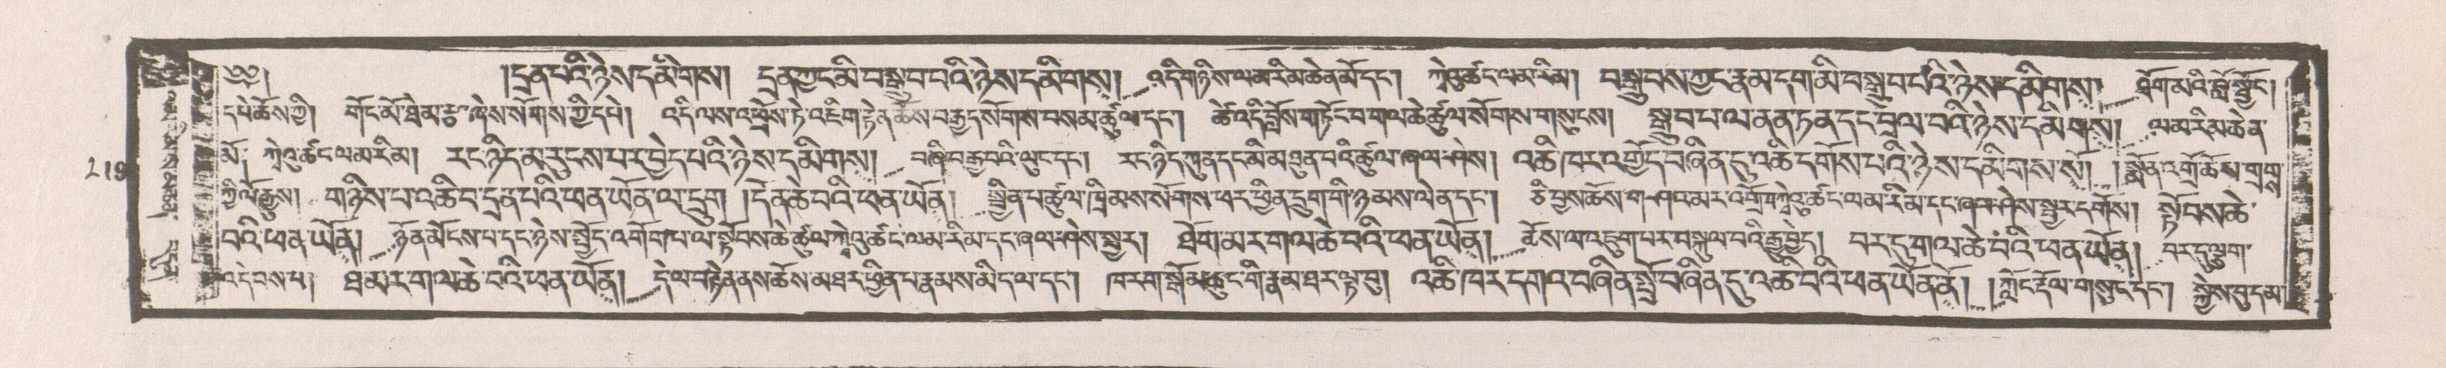༄༅། །དྲན་པའི་ཉེས་དམིགས། དྲན་ཀྱང་མི་བསྒྲུབ་པའི་ཉེས་དམིགས། འདི་གཉིས་ལམ་རིམ་ཆེན་མོ་དང་། ཀྭེའུ་ཚང་ལམ་རིམ།  བསྒྲུབས་ཀྱང་རྣམ་དག་མི་བསྒྲུབ་པའི་ཉེས་དམིགས། ཐོག་མའི་བློ་སྦྱོང་།
དཔེ་ཆོས་ཀྱི། གོང་མོ་ཐེམ་རྩ་ཞེས་སོགས་ཀྱི་དཔེ། འདི་ལས་འཕྲེས་ཏེ་འཇིག་རྟེན་ཆོས་བརྒྱད་སོགས་བསམ་ཚུལ་དང་། ཚེ་འདི་བློས་གཏོང་བ་གལ་ཆེ་ཚུལ་སོགས་གསུངས།  སྒྲུབ་པ་ལ་ནན་ཏན་དང་བྲལ་བའི་ཉེས་དམིགས། ལམ་རིམ་ཆེན
མོ༑ ཀྭེའུ་ཚང་ལམ་རིམ།  རང་ཉིད་མ་རུངས་པར་བྱེད་པའི་ཉེས་དམིགས། བཞི་བརྒྱ་པའི་ལུང་དང་། རང་ཉིད་ཀུན་དང་མི་མཐུན་པའི་ཚུལ་ཞལ་ཤེས།  འཆི་ཁར་འགྱོད་བཞིན་དུ་འཆི་དགོས་པའི་ཉེས་དམིགས་སོ། ། སྨོན་འགྲོ་ཆོས་གྲགས
ཀྱི་ལོ་རྒྱུས།  གཉིས་པ་འཆི་བ་དྲན་པའི་ཕན་ཡོན་ལ་དྲུག །དོན་ཆེ་བའི་ཕན་ཡོན། སྦྱིན་པ་ཚུལ་ཁྲིམས་སོགས་ཕར་ཕྱིན་དྲུག་གི་ཉམས་ལེན་དང་། ཅི་བྱས་ཆོས་གཤའ་མར་འགྲོ་བ་ཀྭེའུ་ཚང་ལམ་རིམ་དང་ཞལ་ཤེས་སྦྱར་དགོས།  སྟོབས་ཆེ་
བའི་ཕན་ཡོན། ཉོན་མོངས་པ་དང་ཉེས་སྤྱོད་འགོག་པ་ལ་སྟོབས་ཆེ་ཚུལ་ཀྭེའུ་ཚང་ལམ་རིམ་དང་ཞལ་ཤེས་སྦྱར།  ཐོག་མར་གལ་ཆེ་བའི་ཕན་ཡོན། ཆོས་ལ་འཇུག་པར་བསྐུལ་བའི་རྒྱུ་བྱེད།  བར་དུ་གལ་ཆེ་བའི་ཕན་ཡོན། བར་དུ་ལྕག
འདེབས་པ།  ཐ་མར་གལ་ཆེ་བའི་ཕན་ཡོན། དེ་ལ་བརྟེན་ནས་ཆོས་མཐར་ཕྱིན་པ་རྣམས་མིད་ལ་དང་། ཁ་རག་སྒོམ་ཆུང་གི་རྣམ་ཐར་ལྟ་བུ།  འཆི་ཁར་དགའ་བཞིན་སྤྲོ་བཞིན་དུ་འཆི་བའི་ཕན་ཡོན་ནོ། ། ཀློང་རྡོལ་གསུང་དང་། སྐྱེས་བུ་དམ